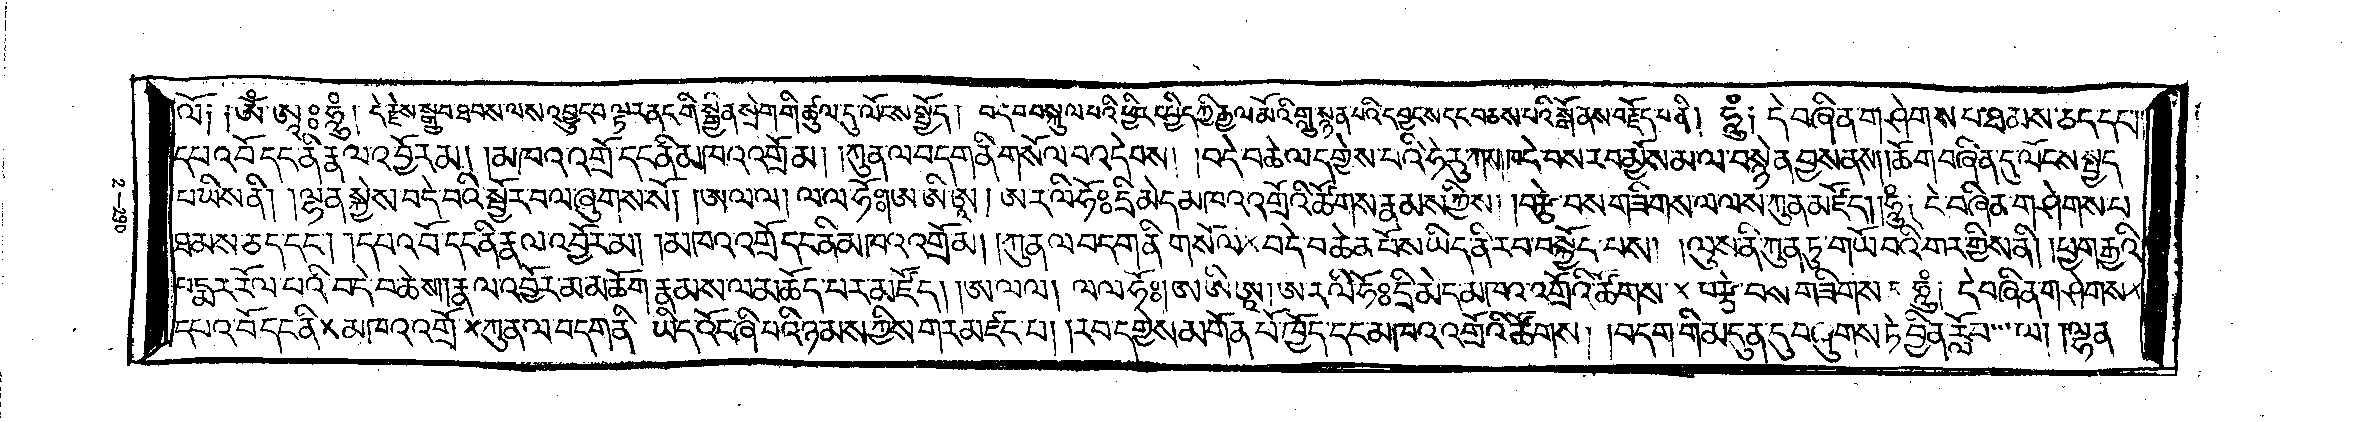ལོ༑ ༑ཨོཾ་ཨཱཿ ཧཱུཾ། དེ་རྗེས་སྒྲུབ་ཐབས་ལས་འབྱུང་བ་ལྟར་ནང་གི་སྦྱིན་སྲེག་གི་ཚུལ་དུ་ལོངས་སྤྱོད། བདེ་བ་བསྐུལ་བའི་ཕྱིར་དཔྱིད་ཀྱི་རྒྱལ་མོའི་གླུ་སྙན་པའི་དབྱངས་དང་བཅས་པའི་སྒོ་ནས་བརྗོད་པ་ནི། ཧཱུཾ། དེ་བཞིན་གཤེགས་པ་ཐམས་ཅད་དང་།
དཔའ་བོ་དང་ནི་རྣལ་འབྱོར་མ། །མཁའ་འགྲོ་དང་ནི་མཁའ་འགྲོ་མ། །ཀུན་ལ་བདག་ནི་གསོལ་འདེབས། །བདེ་བྖེལ་དགྱེས་པའི་ཧེ་རུ་ཀས། བདེ་བས་རབ་མྱོས་མ་ལ་བསྙེན་བྱས་ནས། །ཆོག་བཞིན་དུ་ལོངས་སྤྱོད་
པ་ཡིས་ནི། །ལྷན་སྐྱེས་བདེ་བའི་སྦྱོར་བ་ལ་ཞུགས་སོ། །ཨ་ལ་ལ། ལ་ལ་ཧོཿ། ཨ་ཨི་ཨཱ། ཨ་ར་ལི་ཧོཿ དྲི་མེད་མཁའ་འགྲོའི་ཚོགས་རྣམས་ཀྱིས། །བརྩེ་བས་གཟིགས་ལ་ལས་ཀུན་མཛོད། །ཧཱུཾ་དེ་བཞིན་གཤེགས་པ་
ཐམས་ཅད་དང་། །དཔའ་བོ་དང་ནི་རྣལ་འབྱོར་མ། །མཁའ་འགྲོ་དང་ནི་མཁའ་འགྲོ་མ། །ཀུན་ལ་བདག་ནི་གསོལ྾་བདེ་བ་ཆེན་པོས་ཡིད་ནི་རབ་བསྐྱོད་པས། །ལུས་ནི་ཀུན་ཏུ་གཡོ་བའི་གར་གྱིས་ནི། །ཕྱག་རྒྱའི་
པདམར་རོལ་པའི་བདེ་བ་ཆེས། །རྣལ་འབྱོར་མ་མཆོག་རྣམས་ལ་མཆོད་པར་མཛོད། །ཨ་ལ་ལ། ལ་ལ་ཧོཿ། ཨ་ཨི་ཨཱ། ཨ་ར་ལི་དྲི་མེད་མཁའ་འགྲོའི་ཚོགས྾་བརྩེ་བས་གཟིགས་པར་ཧཱུཾ། དེ་བཞིན་གཤེགས྾་
དཔའ་བོ་དང་ནི྾་མཁའ་འགྲི྾་ཀུན་ལ་བདག་ནི་ཡིད་འོང་ཞི་བའི་ཉམས་ཀྱིས་གར་མཛད་པ། །རབ་དགྱེས་མགོན་པོ་ཁྱོད་དང་མཁའ་འགྲོའི་ཚོགས། །བདག་གི་མདུན་དུ་བཞུགས་ཏེ་བྱིན་རློབ་ལ། །ལྷ་